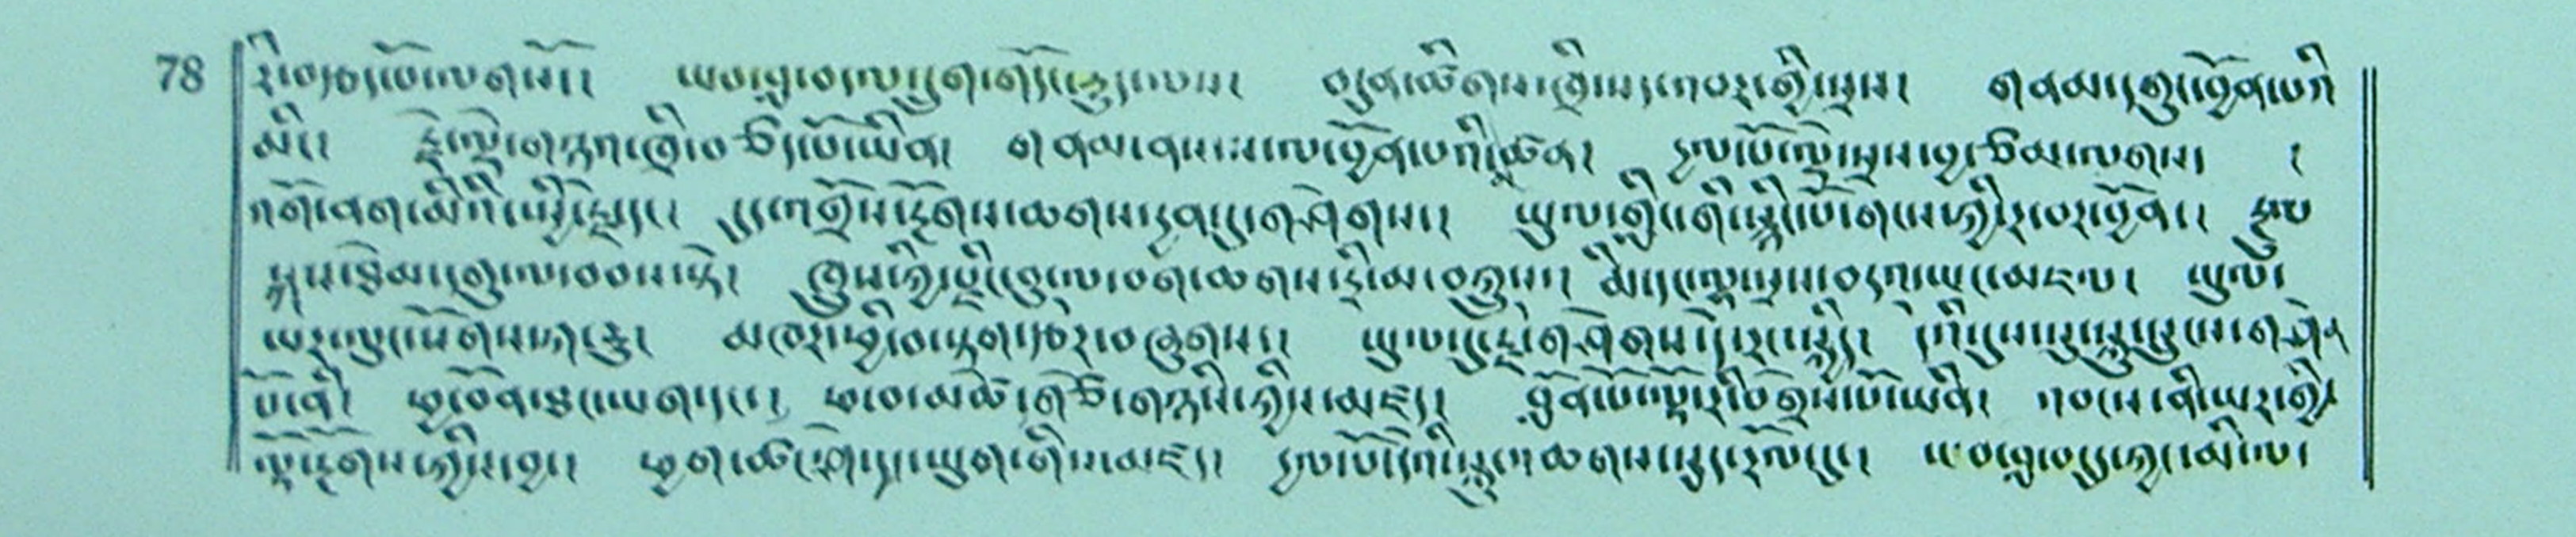རི་བཙད་པོ་ལགསོ། ཡབ་བླ་བདལ་དྲུག་གདུང་རྒྱུད་ལས། བདུན་ཚིགས་ཁྲི་སད་འབར་གྱི་སྲས། གནམ་དགུང་བྱོན་པའི་
མིང་། རྗེ་ལྡེ་གཉའ་ཁྲི་བཙད་པོ་ཡིན། གནམ་ནས་ས་ལ་བྱོན་པའི་མཚན། རྒྱལ་བོ་ལྡེ་སྲས་བྱ་ཙམ་ལགས། 
མགོ་ནག་མི་ཡི་སྤྱི་རྗེ་དང་། དུད་འགྲོས་རྔོག་ཆགས་རྒྱན་དུ་གཤེགས། ཡུལ་གླིང་གི་སྙིང་པོ་གངས་ཀྱི་ར་བར་བྱོན། རྔུལ་
སྐས་ཐེམ་དགུ་ལ་བབས་ཏེ། ཁྲུས་ཀྱི་རྫིང་བུ་ལ་བག་ཆགས་དྲི་མ་བཀྲུས། མི་དང་ལྷ་སྲས་བདལ་ཡང་འཇལ། ཡུལ་
ཡར་ལུང་སོག་ཀ་རུ། མཁར་ཕྱི་བ་སྟག་རྩེར་བཞུགས་སོ། །ཡུལ་དུ་རྗེ་གཤེགས་དེ་རང་སྐྱིད། དེའི་དུས་སུ་སྐུ་བསྲུངས་གཤེན་
པོ་ནི། ཕྱྭ་བོན་ཐང་ཡག་དང་། ཕ་བ་མཚེ་གཙེ་གཉིས་ཀྱིས་མཛད། བློན་པོ་ལྟོ་རིས་བགྲེས་པོ་ཡིན། འབངས་ནི་ཡར་གྱི་
ལྷོ་རྔོགས་ཀྱིས་བྱ། ཕྱག་ཚང་ཤེ་དང་ཡུག་གིས་མཛད། རྒྱལ་བོ་དེའི་སྐུ་འཆགས་སླད་རོལ་དུ། ཡབ་བླ་བདུད་ཀྱང་མི་ལ་